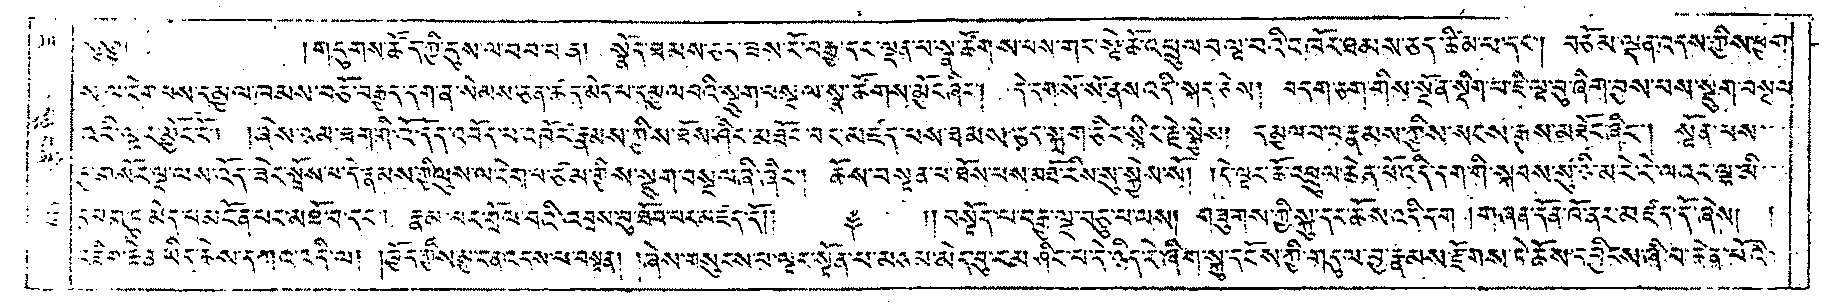༄༅། །གདུགས་ཚོད་ཀྱི་དུས་ལ་བབ་པ་ན། སྣོད་ཐམས་ཅད་ཟས་རོ་བརྒྱ་དང་ལྡན་པ་སྣ་ཚོགས་པས་གང་སྟེ་ཆོ་འཕྲུལ་བལྟ་བའི་འཁོར་ཐམས་ཅད་ཚིམ་པ་དང་། བཅོམ་ལྡན་འདས་ཀྱིས་ཕྱག་
ས་ལ་རེག་པས་དམྱལ་ཁམས་བཅོ་བརྒྱད་དག་ན་སེམས་ཅན་ཚད་མེད་པ་དམྱལ་བའི་སྡུག་བསྔལ་སྣ་ཚོགས་མྱོང་ཞིང་། དེ་དག་སོ་སོ་ནས་འདི་སྐད་ཅེས། བདག་ཅག་གིས་སྔོན་སྡིག་པ་ཇི་ལྟ་བུ་ཞིག་བྱས་པས་སྡུག་བསྔལ་
འདི་ལྟར་མྱོང་ངོ། །ཞེས་ཉམ་ཐག་གི་འོ་དོད་འབོད་པ་འཁོར་རྣམས་ཀྱིས་ཐོས་ཤིང་མཐོང་བར་མཛད་པས་ཐམས་ཅད་སྐྲག་ཅིང་སྙིང་རྗེ་སྐྱེས། དམྱལ་བ་པ་རྣམས་ཀྱིས་སངས་རྒྱས་མཐོང་ཞིང་། སྟོན་པས་
ཕྱག་སོར་ལྔ་ལས་འོད་ཟེར་སྤྲོས་པ་དེ་རྣམས་ཀྱི་ལུས་ལ་རེག་པ་ཙམ་གྱིས་སྡུག་བསྔལ་ཞི་ཞིང་། ཆོས་བསྟན་པ་ཐོས་པས་མཐོ་རིས་སུ་སྐྱེས་སོ། །དེ་ལྟར་ཆོ་འཕྲུལ་ཆེན་པོ་འདི་དག་གི་སྐབས་སུ་ཉི་མ་རེ་རེ་ལའང་ལྷ་མི་
དཔག་ཏུ་མེད་པ་མངོན་པར་མཐོ་བ་དང་། རྣམ་པར་གྲོལ་བའི་འབྲས་བུ་ཐོབ་པར་མཛད་དོ།། ༈ །།བསྟོད་པ་བརྒྱ་ལྔ་བཅུ་པ་ལས། གཟུགས་ཀྱི་སྐུ་དང་ཆོས་འདི་དག །གཞན་དོན་ཁོ་ནར་མཛད་དོ་ཞེས། །
འཇིག་རྟེན་ཡིད་ཆེས་དཀའ་འདི་ལ། །ཁྱོད་ཀྱིས་མྱ་ངན་འདས་པ་བསྟན། །ཞེས་གསུངས་པ་ལྟར་སྟོན་པ་མཉམ་མེད་བུ་རམ་ཤིང་པ་དེ་ཉིད་རེ་ཞིག་སྐུ་དངོས་ཀྱི་གདུལ་བྱ་རྣམས་རྫོགས་ཏེ་ཆོས་དབྱིངས་ཞི་བ་ཆེན་པོའི་